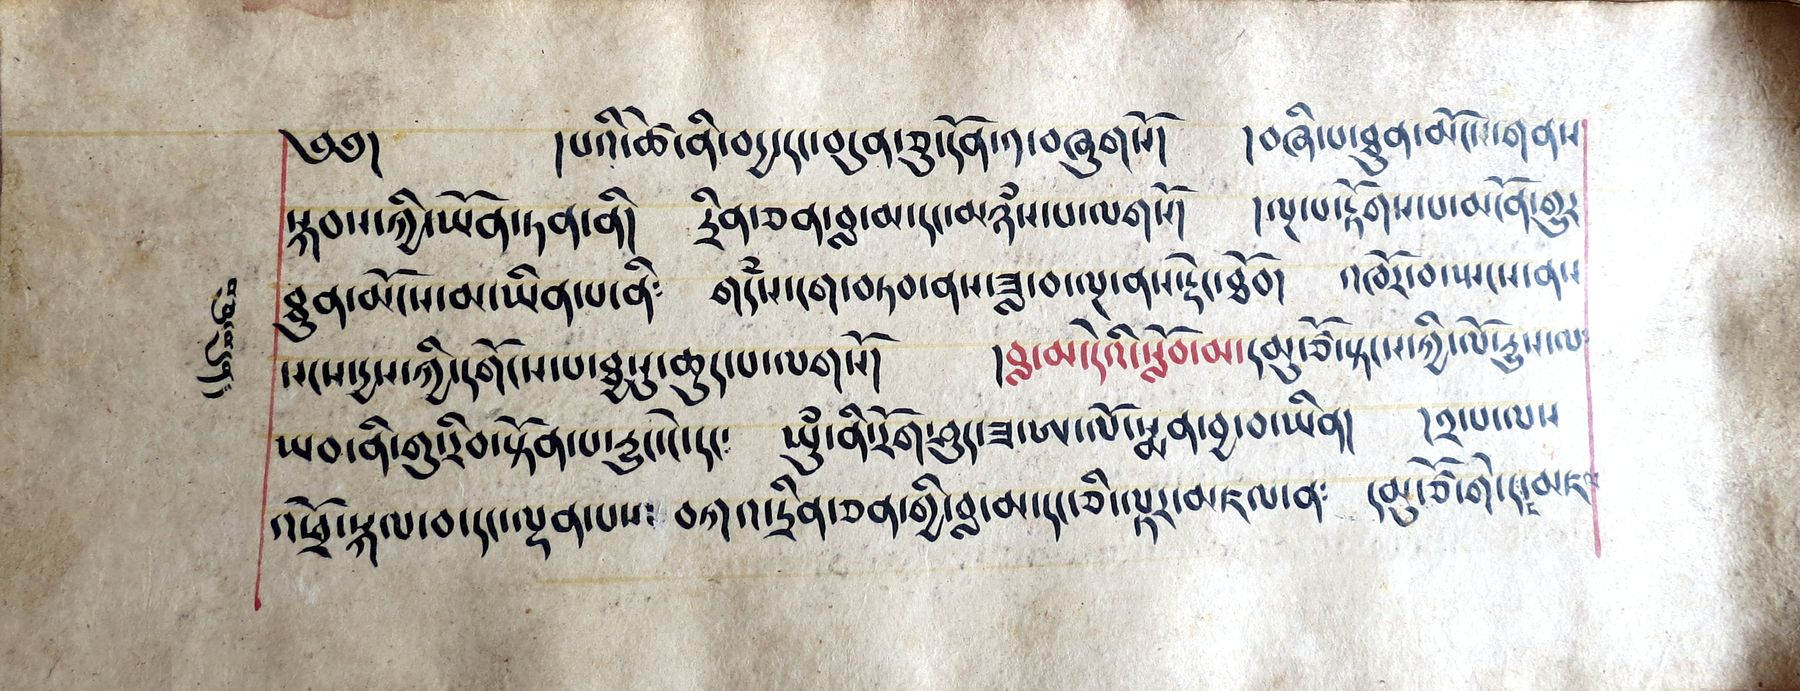པའི་ཚེ་ནི་བརྒྱ་དང་བདུན་ཅུ་དོན་གཅིག་བཞུགས་སོ། །བཞི་པ་ཐུན་མོང་གནས་
སྐབས་ཀྱི་ཡོན་ཏན་ནི། དྲིན་ཅན་བླ་མ་དང་མཉམ་པ་ལགས་སོ། །ལྔ་པ་རྟོགས་པ་མངོན་གྱུར་
ཐུན་མོང་མ་ཡིན་པ་ནི། གདམས་ངག་བཏབ་ནས་ཟླ་བ་ལྔ་ནས་གདིང་ཐོབ་བོ། འཁོར་བ་སྤངས་ནས་
སངས་རྒྱས་ཀྱི་དགོངས་པ་ཐུགས་སུ་ཆུད་པ་ལགས་སོ།བླ་མ་དེའི་སློབ་མ་དམུ་ཙོ་སྟངས་ཀྱི་ལོ་རྒྱུས་ལ། 
ཡབ་ནི་གུ་རིབ་སྟོན་པ་རྒྱུང་ངེ་དང་། ཡུམ་ནི་རོག་ཤུད་ཟ་ཨ་ལོ་སྨན་བྱ་བ་ཡིན། གཉིས་པ་ལས་
འཕྲོ་སྐལ་བ་ལྡན་པས། བཀའ་དྲིན་ཅན་གྱི་བླ་མ་དང་ཅི་ལྟར་མཇལ་ན། དམུ་ཙོ་གེ་དང་མཇལ་